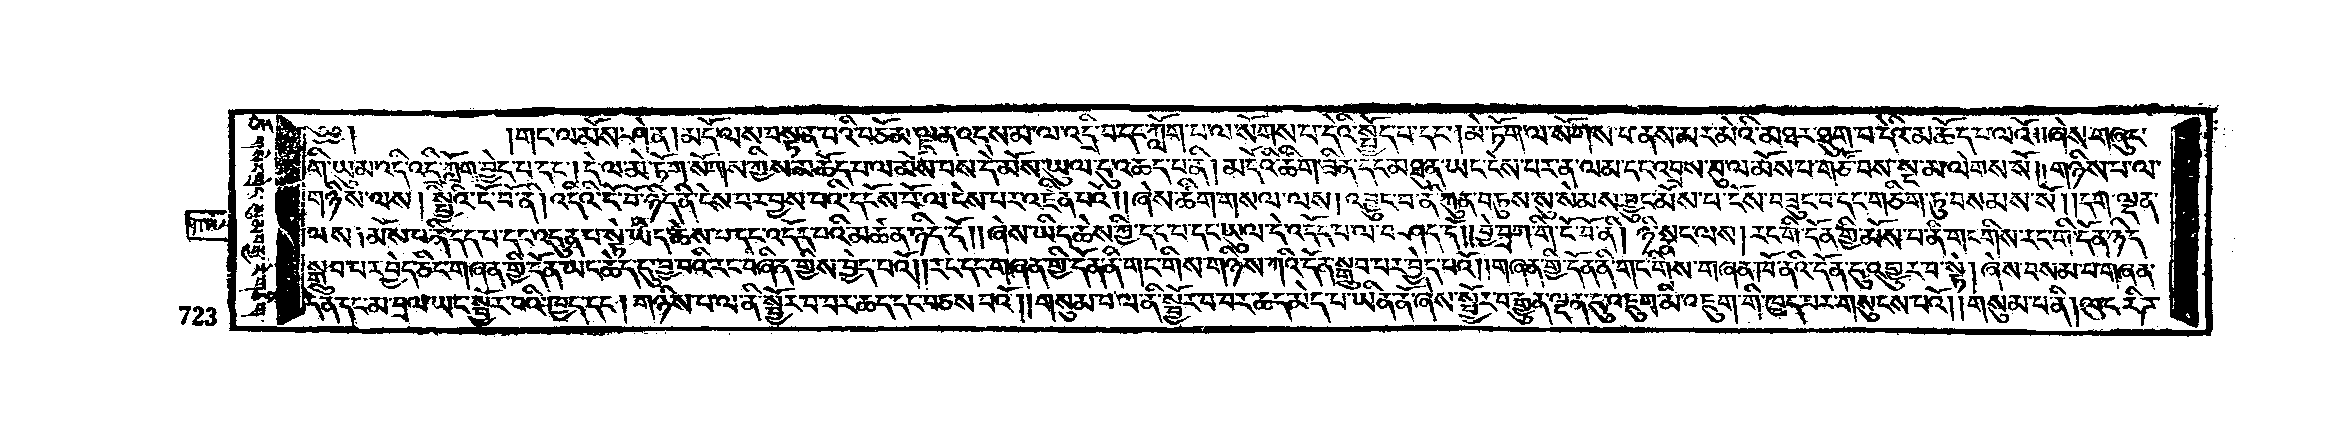༄༅། །གང་ལ་མོས་ཤེ་ན། མདོ་ལས་བསྟན་པའི་བཅོམ་ལྡན་འདས་མ་ལ་འདྲི་བ་དང་ཀློག་པ་ལ་སོགས་པ་དེའི་སྤྱོད་པ་དང་། མེ་ཏོག་ལ་སོགས་པ་ནས་མར་མེའི་མཐར་ཐུག་པ་དེའི་མཆོད་པ་ལའོ། །ཞེས་གཞུང་
གི་ཡུམ་འདི་འདྲི་ཀློག་བྱེད་པ་དང་། དེ་ལ་མེ་ཏོག་སོགས་ཀྱིས་མཆོད་པ་ལ་མོས་པས་དེ་མོས་ཡུལ་དུ་འཆད་པ་ནི། མདོའི་ཚིག་ཟིན་དང་མཐུན་ཡང་ངེས་པར་ན་ལམ་དང་འབྲས་བུ་ལ་མོས་པ་གཙོ་བས་སྔ་མ་ལེགས་སོ། །གཉིས་པ་ལ་
གཉིས་ལས། སྤྱིའི་ངོ་བོ་ནི། འདིའི་ངོ་བོ་ཉིད་ནི་ངེས་པར་བྱས་པའི་དངོས་པོ་ལ་ངེས་པར་འཛིན་པའོ། །ཞེས་ཚིག་གསལ་ལས། འབྱུང་བ་ནི་ཀུན་བཏུས་སུ་སེམས་བྱུང་མོས་པ་ངོས་བཟུང་བ་དང་གཅིག་ཏུ་བསམས་སོ། །དག་ལྡན་
ལས༑ མོས་པ་ནི་དད་པ་དང་འདུན་པ་སྟེ་ཡིད་ཆེས་པ་དང་འདོད་པའི་མཚན་ཉིད་དོ། །ཞེས་ཡིད་ཆེས་ཀྱི་དད་པ་དང་ཡུལ་དེ་འདོད་པ་ལ་བཤད་དོ། །བྱེ་བྲག་གི་ངོ་བོ་ནི། ཉི་སྣང་ལས། རང་གི་དོན་གྱི་མོས་པ་ནི་གང་གིས་རང་གི་དོན་ཉིད་
སྒྲུབ་པར་བྱེད་ཅིང་གཞན་གྱི་དོན་ཡང་ཆེད་དུ་བྱ་བའི་རང་བཞིན་གྱིས་བྱེད་པའོ། །རང་དང་གཞན་གྱི་དོན་ནི་གང་གིས་གཉིས་ཀའི་དོན་སྒྲུབ་པར་བྱེད་པའོ། །གཞན་གྱི་དོན་ནི་གང་གིས་གཞན་ཁོ་ནའི་དོན་དུ་འགྱུར་བ་སྟེ། ཞེས་བསམ་པ་གཞན་
དོན་དང་མ་བྲལ་ཡང་སྦྱོར་བའི་ཁྱད་དང་། གཉིས་པ་ལ་ནི་སྦྱོར་བ་བར་ཆད་དང་བཅས་པའོ། །གསུམ་པ་ལ་ནི་སྦྱོར་བ་བར་ཆད་མེད་པ་ཡིན་ནོ་ཞེས་སྦྱོར་བ་རྒྱུན་ལྡན་དུ་འཇུག་མི་འཇུག་གི་ཁྱད་པར་གསུངས་པའོ། །གསུམ་པ་ནི། ལུང་རིགས་